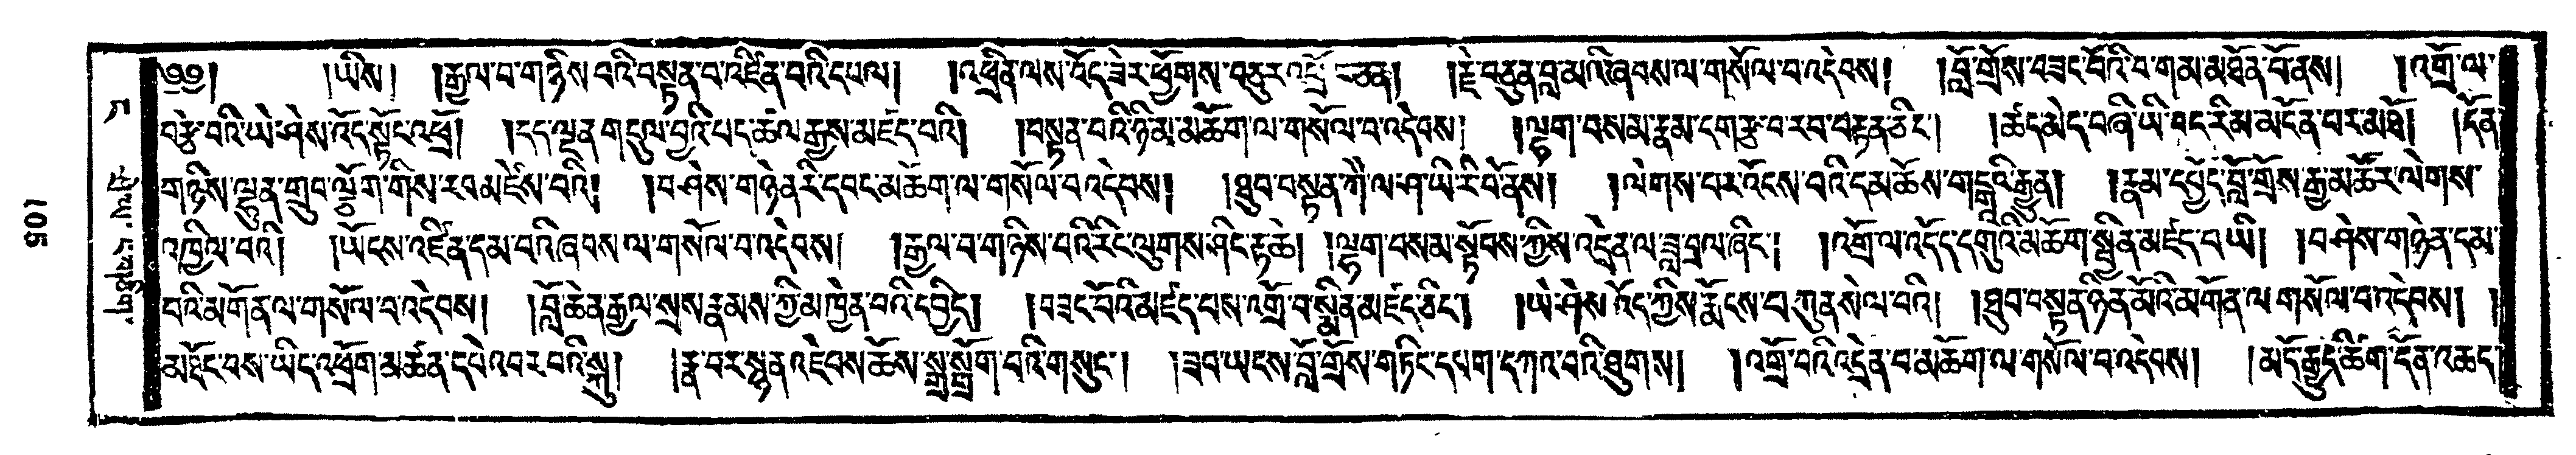༄༅། །ཡིས། །རྒྱལ་བ་གཉིས་བའི་བསྟན་བ་འཛིན་བའི་དཔལ། །འཕྲིན་ལས་འོད་ཟེར་ཕྱོགས་བཅུར་འཕྲོ་བ་ཅན། །རྗེ་བཙུན་བླ་མའི་ཞབས་ལ་གསོལ་བ་འདེབས། །བློ་གྲོས་བཟང་བོའི་བ་གམ་མཐོན་པོ་ནས། །འགྲོ་ལ་
བརྩེ་བའི་ཡེ་ཤེས་འོད་སྟོང་འཕྲོ། །དད་ལྡན་གདུལ་བྱའི་པད་ཚལ་རྒྱས་མཛད་བའི། །བསྟན་པའི་ཉི་མ་མཆོག་ལ་གསོལ་བ་འདེབས། །ལྷག་བསམ་རྣམ་དག་རྩ་བ་རབ་བརྟན་ཅིང་། །ཚད་མེད་བཞི་ཡི་བང་རིམ་མངོན་པར་མཐོ། །དོན་
གཉིས་ལྷུན་གྲུབ་ལྕོག་གིས་རབ་མཛེས་བའི། །བཤེས་གཉེན་རི་དབང་མཆོག་ལ་གསོལ་བ་འདེབས། །ཐུབ་བསྟན་ཀཻ་ལ་ཤ་ཡི་རི་བོ་ནས། །ལེགས་པར་འོངས་བའི་དམ་ཆོས་གངྒའི་རྒྱུན། །རྣམ་དཔྱོད་བློ་གྲོས་རྒྱ་མཚོར་ལེགས་
འཁྱིལ་བའི། །ཡོངས་འཛིན་དམ་བའི་ཞབས་ལ་གསོལ་བ་འདེབས། །རྒྱལ་བ་གཉིས་པའི་རིང་ལུགས་ཤིང་རྟ་ཆེ། །ལྷག་བསམ་སྟོབས་ཀྱིས་འདྲེན་ལ་ཟླ་བྲལ་ཞིང་། །འགྲོ་ལ་འདོད་དགུའི་མཆོག་སྦྱིན་མཛད་པ་ཡི། །བཤེས་གཉེན་དམ་
བའི་མགོན་ལ་གསོལ་བ་འདེབས། །བློ་ཆེན་རྒྱལ་སྲས་རྣམས་ཀྱི་མཁྱེན་བའི་དབྱིད། །བཟང་པོའི་མཛད་པས་འགྲོ་བ་སྨིན་མཛད་ཅིང་། །ཡེ་ཤེས་འོད་ཀྱིས་རྨོངས་བ་ཀུན་སེལ་བའི། །ཐུབ་བསྟན་ཉིན་མོའི་མགོན་ལ་གསོལ་བ་འདེབས། །
མཐོང་བས་ཡིད་འཕྲོག་མཚན་དཔེ་འབར་བའི་སྐུ། །རྣ་བར་སྙན་འཇེབས་ཆོས་སྒྲ་སྒྲོག་བའི་གསུང་། །ཟབ་ཡངས་བློ་གྲོས་གཏིང་དཔག་དཀའ་བའི་ཐུགས། །འགྲོ་བའི་འདྲེན་བ་མཆོག་ལ་གསོལ་བ་འདེབས། །མདོ་རྒྱུད་ཚིག་དོན་འཆད་